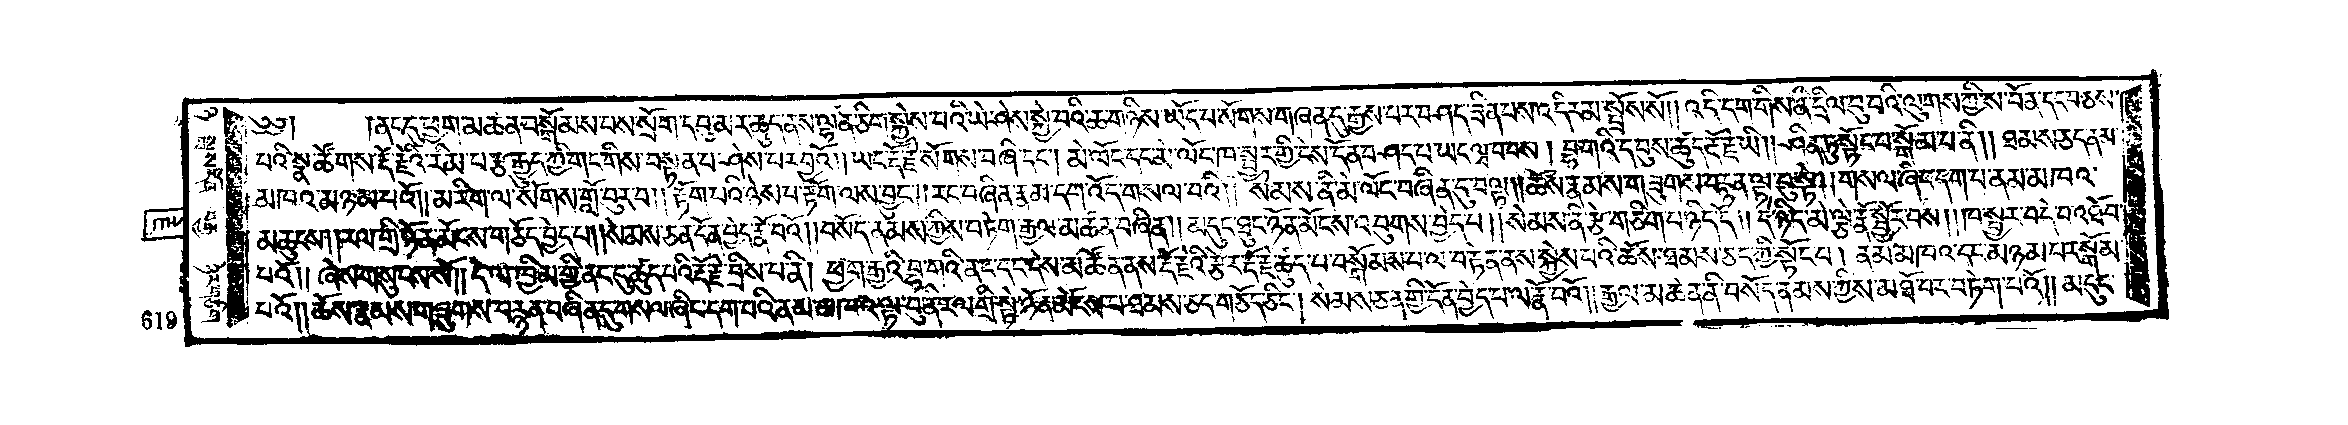༄༅། །ནང་དུ་ཕྱག་མཚན་བསྒོམས་པས་སྲོག་དབུ་མར་ཆུད་ནས་ལྷན་ཅིག་སྐྱེས་པའི་ཡེ་ཤེས་སྐྱེ་བའི་ཆ་གཉིས་ཡོད་པ་སོགས་གཞན་དུ་རྒྱས་པར་བཤད་ཟིན་པས་འདིར་མ་སྤྲོས་སོ། །འདི་དག་གིས་ནི་དྲིལ་བུ་བའི་ལུགས་ཀྱི་ས་བོན་དང་བཅས་
པའི་སྣ་ཚོགས་རྡོ་རྗེའི་རིམ་པ་རྩ་རྒྱུད་ཀྱི་གང་གིས་བསྟན་པ་ཤེས་པར་བྱའོ། །ཡང་རྡོ་རྗེ་སོགས་བཞི་དང་། མེ་ལོང་དང་མེ་ལོང་ཁ་སྦྱར་གྱི་ངེས་དོན་བཤད་པ་ཡང་ལྭ་བ་བས། བྷ་གའི་དབུས་ཚུད་རྡོ་རྗེ་ཡི། །ཤིན་ཏུ་སྟོང་པ་སྒོམ་པ་ནི། །ཐམས་ཅད་ནམ་
མཁའ་མཉམ་པའོ། །མ་རིག་ལ་སོགས་གློ་བུར་བ། །རྟོག་པའི་ཉེས་པ་རྟོག་ལས་བྱུང་། །རང་བཞིན་རྣམ་དག་འོད་གསལ་བའི། །སེམས་ནི་མེ་ལོང་བཞིན་དུ་བལྟ། །ཆོས་རྣམས་གཟུགས་བརྙན་ལྟ་བུ་སྟེ། །གསལ་ཞིང་དག་པ་ནམ་མཁའ་
མཚུངས། །རལ་གྲི་ཉོན་མོངས་གཅོད་བྱེད་པ། །སེམས་ཅན་དོན་བྱེད་རྣོ་བའོ། །བསོད་ནམས་ཀྱིས་བཏེག་རྒྱལ་མཚན་བཞིན། །མདུང་ཐུང་ཉོན་མོངས་འབུགས་བྱེད་པ། །སེམས་ནི་རྩེ་གཅིག་པ་ཉིད་དོ། །དེ་ཉིད་མེ་ལྕེ་རྣོ་སྦྱོར་བས། །ཁ་སྦྱར་བདེ་བ་འཐོབ་
པའོ། །ཞེས་གསུངས་སོ། །དེ་ལ་ཁྱིམ་གྱི་ནང་དུ་ཚུད་པའི་རྡོ་རྗེ་བྲིས་པ་ནི། ཕྱག་རྒྱའི་བྷ་གའི་ནང་དང་དེས་མཚོན་ནས་རྡོ་རྗེའི་རྩེར་རྡོ་རྗེ་ཚུད་པ་བསྒོམས་པ་ལ་བརྟེན་ནས་སྐྱེས་པའི་ཆོས་ཐམས་ཅད་ཀྱི་སྟོང་པ། ནམ་མཁའ་དང་མཉམ་པར་སྒོམ་
པའོ། །ཆོས་རྣམས་གཟུགས་བརྙན་བཞིན་དུ་གསལ་ཞིང་དག་པའི་ནམ་མཁའ་ལྟ་བུ་ནི་རལ་གྲི་སྟེ་ཉོན་མོངས་པ་ཐམས་ཅད་གཅོད་ཅིང་། སེམས་ཅན་གྱི་དོན་བྱེད་པ་ལ་རྣོ་བའོ། །རྒྱལ་མཚན་ནི་བསོད་ནམས་ཀྱིས་མཐོ་བར་བཏེག་པའོ། །མདུང་